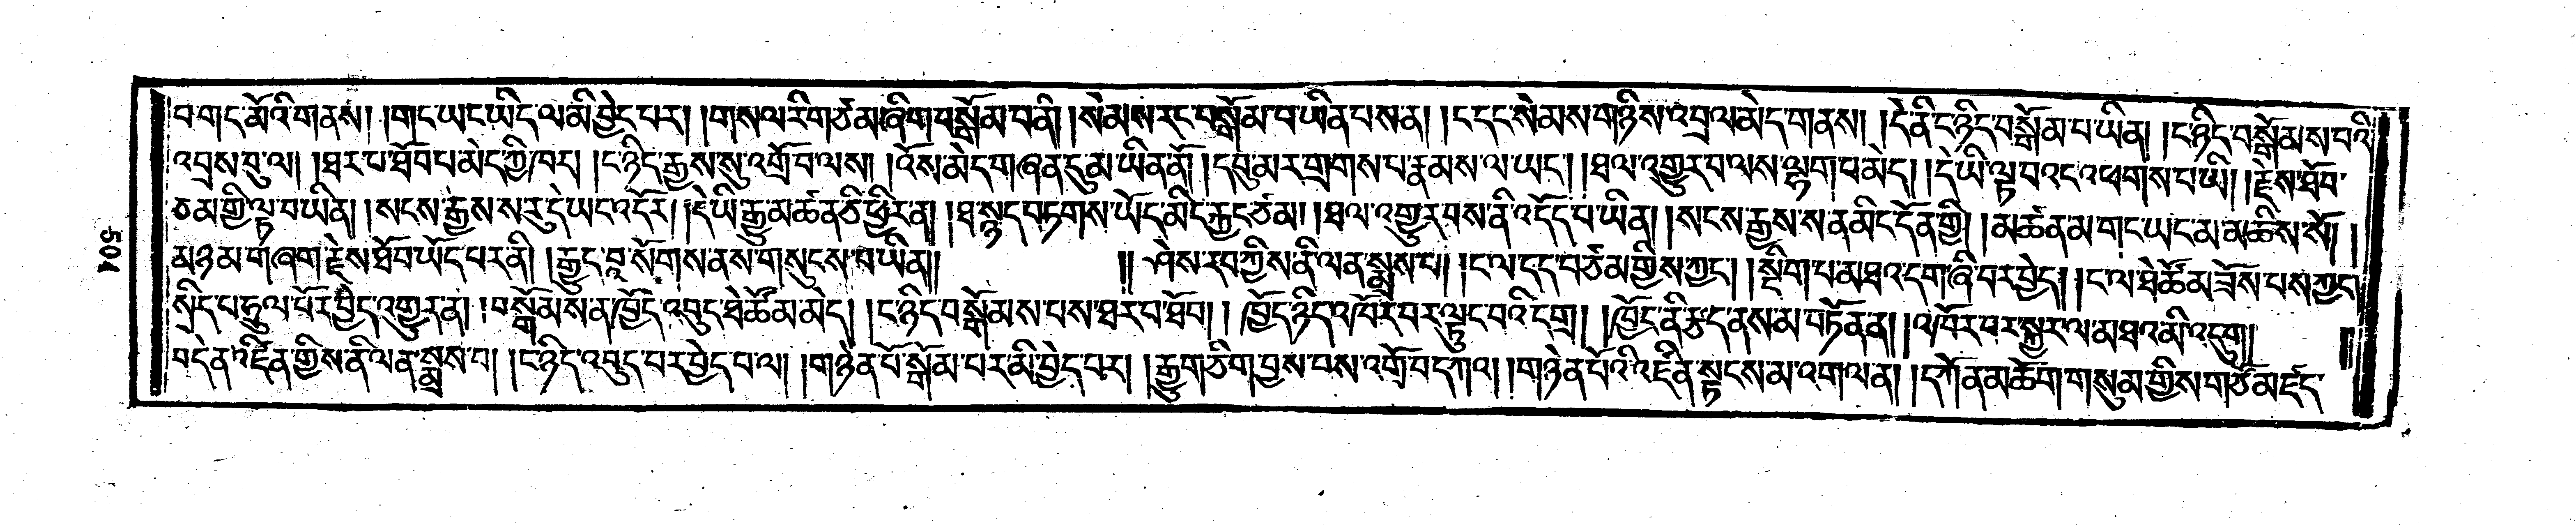བ་གད་མོའི་གནས། །གང་ཡང་ཡིད་ལ་མི་བྱེད་པར། །གསལ་རིག་ཙམ་ཞིག་བསྒོམ་པ་ནི། །སེམས་རང་བསྒོམ་པ་ཡིན་པས་ན། །ང་དང་སེམས་གཉིས་འབྲལ་མེད་གནས། །དེ་ནི་ང་ཉིད་བསྒོམ་པ་ཡིན། །ང་ཉིད་བསྒོམས་པའི་
འབྲས་བུ་ལ། །ཐར་པ་ཐོབ་པ་མེད་ཀྱི་ཁར། །ང་ཉིད་རྒྱས་སུ་འགྲོ་བ་ལས། །འོས་མེད་གཞན་དུ་མ་ཡིན་ནོ། །དབུ་མར་གྲགས་པ་རྣམས་ལ་ཡང་། །ཐལ་འགྱུར་བ་ལས་ལྷག་པ་མེད། །དེ་ཡི་ལྟ་བའང་འཕགས་པ་ཡི། །རྗེས་ཐོབ་
ཙམ་གྱི་ལྟ་བ་ཡིན། །སངས་རྒྱས་ས་རུ་དེ་ཡང་འདོར། །དེ་ཡི་རྒྱུ་མཚན་ཅི་ཕྱིར་ན། །ཐ་སྙད་བཏགས་ཡོད་མིང་རྐྱང་ཙམ། །ཐལ་འགྱུར་བས་ནི་འདོད་པ་ཡིན། །སངས་རྒྱས་ས་ན་མིང་དོན་གྱི། །མཚན་མ་གང་ཡང་མ་མཆིས་སོ། །
མཉམ་གཞག་རྗེས་ཐོབ་ཡོད་པར་ནི། །རྒྱུད་བླ་སོགས་ནས་གསུངས་པ་ཡིན།། །།ཤེས་རབ་ཀྱིས་ནི་ལན་སྨྲས་པ། །ང་ལ་དད་པ་ཙམ་གྱིས་ཀྱང་། །སྡིག་པ་མཐའ་དག་ཞི་བར་བྱེད། །ང་ལ་ཐེ་ཚོམ་ཟོས་པས་ཀྱང།།
སྲིད་པ་ཧྲུལ་བོར་བྱེད་འགྱུར་ན། །བསྒོམ་ན་ཁྱོད་འབུད་ཐེ་ཚོམ་མེད། །ང་ཉིད་བསྒོམ་པས་ཐར་པ་ཐོག །ཁྱོད་ཉིད་འཁོར་བར་ལྟུང་བའི་དགྲ། །ཁྱོད་ནི་རྩད་ནས་མ་བཏོན་ན། །འཁོར་བར་སྐྱར་ལ་མཐའ་མི་འདུག། །།
བདེན་འཛིན་གྱིས་ནི་ལན་སྨྲས་པ། །ང་ཉིད་འབུད་པར་བྱེད་པ་ལ། །གཉེན་པོ་སྒོམ་པར་མི་བྱེད་པར། །རྒྱུ་གཅིག་བྱས་པས་འགྲོ་བ་དཀའ། །གཉེན་པོའི་འཛིན་སྟངས་མ་འགལ་ན། །དཀོན་མཆོག་གསུམ་གྱིས་གཙོ་མཛད་